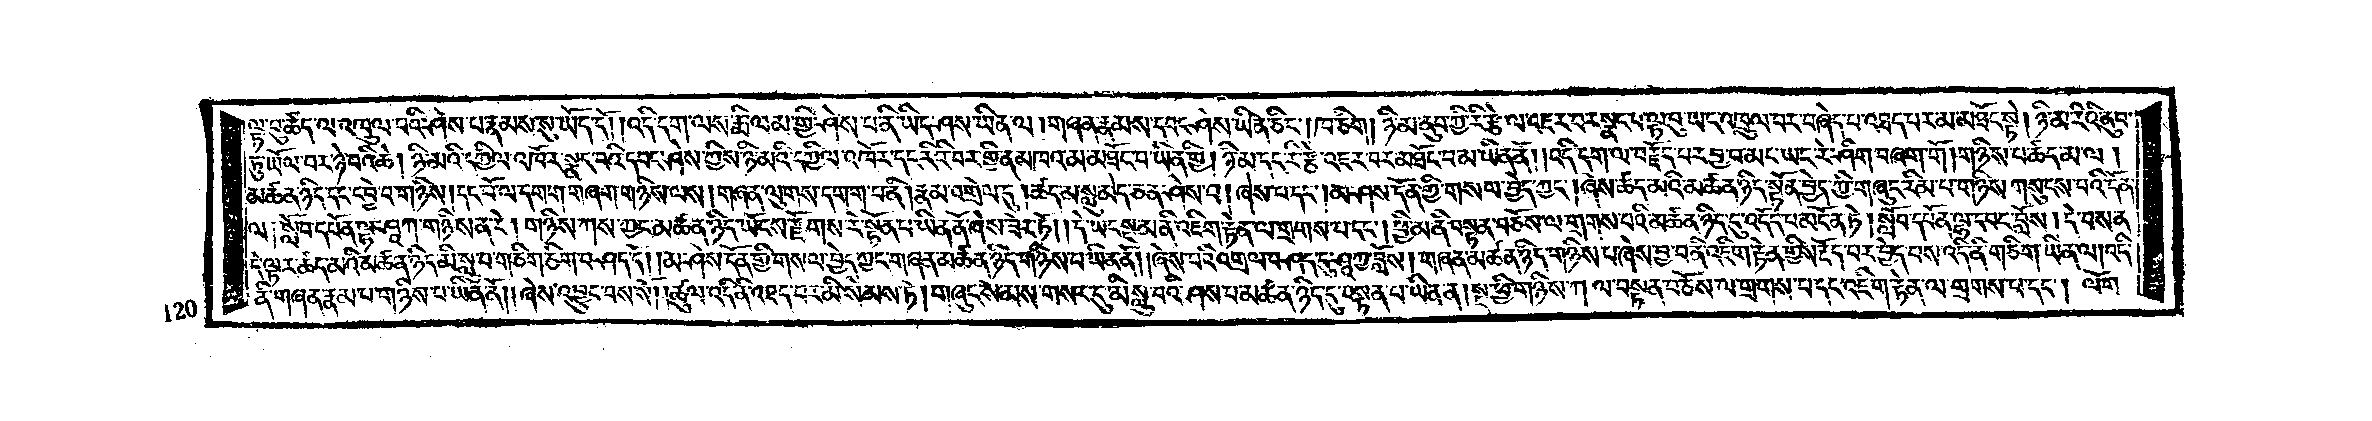ལྟ་བུ་ཚད་ལ་འཁྲུལ་པའི་ཤས་པ་རྣམས་སུ་ཡོད་དོ། །འདི་དག་ལས་རྨི་ལམ་གྱི་ཤེས་པ་ནི་ཡིད་ཤས་ཡིན་ལ། གཞན་རྣམས་དབང་ཤེས་ཡིན་ཅིང་། ཁ་ཅིག། ཉི་མ་ནུབ་ཀྱི་རི་རྩེ་ལ་འདར་བར་སྣང་བ་ལྟ་བུ་ཡང་འཁྲུལ་བར་བཞེད་པ་འཐད་པར་མ་མཐོང་སྟེ། ཉི་མ་རིའི་ནུབ་
ཏུ་ཡུལ་བར་ཉེ་བའི་ཆེ། ཉི་མའི་དཀྱིལ་འཁོར་སྣང་ཤེས་ཀྱིས་ཉི་མའི་དཀྱིལ་འཁོར་དང་རིའི་བར་གྱི་ནམ་མཁའ་མ་མཐོང་བ་ཡིན་གྱི། ཉི་མ་དང་རི་རྩེ་འཇར་བར་མཐོང་བ་མ་ཡིན་ནོ། །འདི་དག་ལ་བརྗོད་པར་བྱ་བ་མང་ཡང་རེ་ཤིག་བཞག་གོ། གཉིས་པ་ཚད་མ་ལ།
མཚན་ཉིད་དང་དབྱེ་བ་གཉིས། དང་པོ་ལ་དགག་གཞག་གཉིས་ལས། གཞན་ལུགས་དགག་པ་ནི། རྣམ་འགྲེལ་དུ། ཚད་མ་སླུ་མེད་ཅན་ཤེས་པ། ཞེས་པ་དང་། མ་ཤས་དོན་གྱི་གསལ་བྱེད་ཀྱང་། ཞེས་ཚད་མའི་མཚན་ཉིད་སྟོན་བྱེད་ཀྱི་གཞུང་རིམ་པ་གཉིས་གསུངས་པའི་དོན་
ལ། སློབ་དཔོན་ལྷ་ཤཱཀ་གཉིས་ན་རེ། གཉིས་ཀས་ཀྱང་མཚན་ཉིད་ཡོངས་རྫོགས་རེ་སྟོན་པ་ཡིན་ནོ་ཞེས་ཟེར་ཏོ། །དེ་ཡང་སྔ་མ་ནི་འཇིག་རྟེན་ལ་གྲགས་པ་དང་། ཕྱི་མ་ནི་བསྟན་བཅོས་ལ་གྲགས་པའི་མཚན་ཉིད་དུ་འདོད་པ་མངོན་ཏེ། སློབ་དཔོན་ལྷ་དབང་བློས། དེ་བས་ན་
དེ་ལྟར་ཆེད་མའི་མཚན་ཉིད་མི་སླུ་བ་གཅིག་ཅིག་བཤད་དོ། །མ་ཤེས་དོན་གྱི་གསལ་བྱེད་ཀྱང་གཞན་མཚན་ཉིད་གཉིས་པ་ཡིན་ནོ། །ཞེས་པའི་འགྲལ་བཤད་དུ་ཤཱ་ཀྱ་བློས། གཞན་མཚན་ཉིད་གཉིས་པ་ཞེས་བྱ་བ་ནི་འཇིག་རྟེན་གྱིས་སྔོད་པར་བྱེད་པས་འདི་ནི་གཅིག་ཡིན་ལ། འདི་
ནི་གཞན་རྣམ་པ་གཉིས་པ་ཡིན་ནོ། །ཞེས་འབྱུང་བས་སོ། །ཚུལ་འདི་ནི་འཐད་པར་མི་སེམས་ཏེ། གཞུང་སྔ་མས་གསར་དུ་མི་སླུ་བའི་ཤས་པ་མཚན་ཉིད་དུ་བསྟན་པ་ཡིན་ན། སྔ་ཕྱི་གཉིས་ཀ་ལ་བསྟན་བཅོས་ལ་གྲགས་པ་དང་འཇིག་རྟེན་ལ་གྲགས་པ་དང་། ལོག་